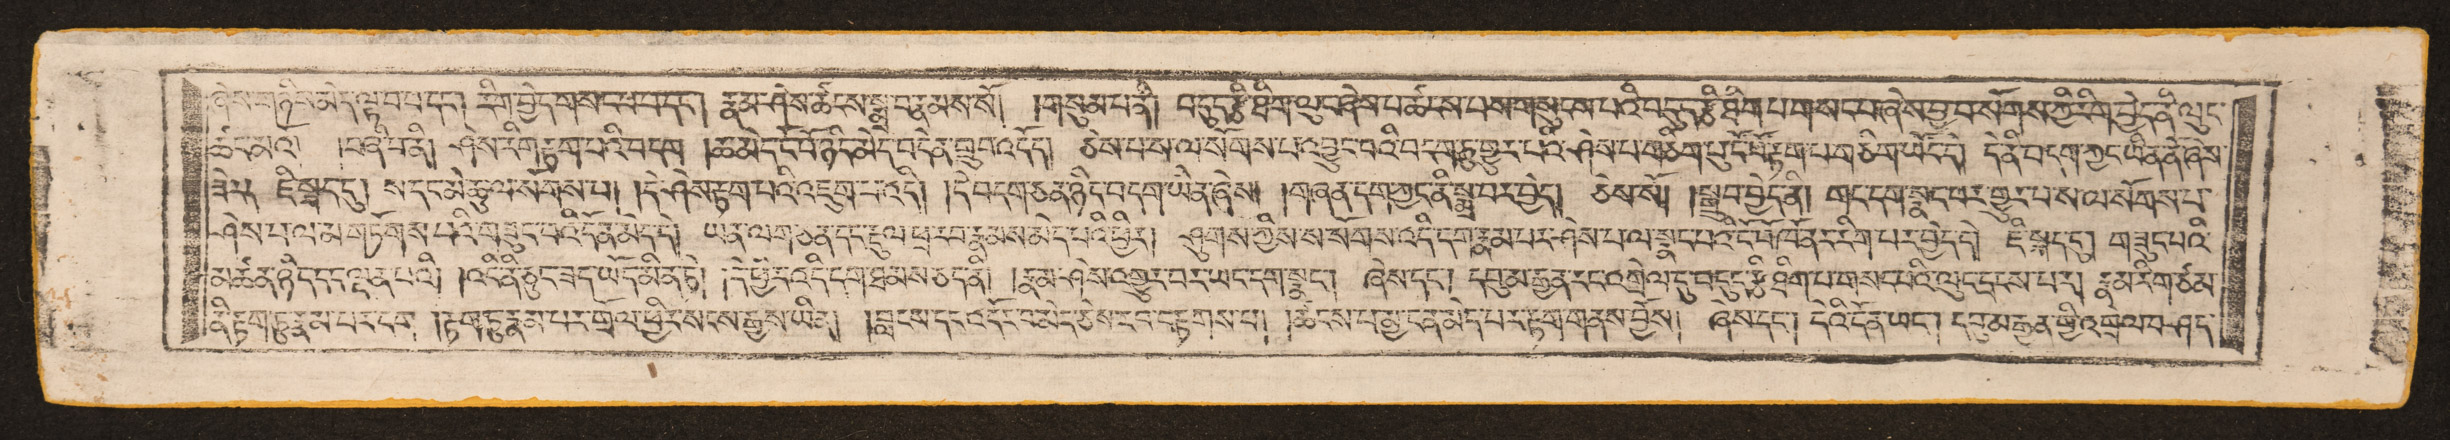ཞེས་གཉིས་མེད་ལྟ་བ་པ་དང་། རིག་བྱེད་གསང་བ་པ་དང་། རྣམ་ཤེས་ཚངས་སྨྲ་བ་རྣམས་སོ། །གསུམ་པ་ནི། བདུད་རྩི་ཐིག་ལུང་ཞེས་པ་ཚངས་པས་གསུངས་པའི་བདུད་རྩི་ཐིག་པ་གསང་པ་ཞེས་བྱ་བ་སོགས་ཀྱི་རིག་བྱེད་ནི་ལུང་
ཚང་མའོ། །བཞི་པ་ནི། ཤེས་རིག་རྟག་པའི་བདག །ཆ་མེད་ངོ་བོ་ཉིད་མེད་བདེན་གྲུབ་འདོད། ཅེས་པས་ལ་སོགས་པ་འབྱུང་བའི་བདག་ཏུ་གྱུར་པའི་ཤེས་པ་གཅིག་པུ་ངོ་བོ་རྟག་པ་གཅིག་ཡོད་དེ། དེ་ནི་བདག་ཀྱང་ཡིན་ནོ་ཞེས་
ཟེར། ཇི་སྐད་དུ། ས་དང་མེ་ཆུ་ལ་སོགས་པ། །དེ་ཤེས་རྟག་པའི་འཇུག་པ་འདི། །དེ་བདག་ཅན་ཉིད་བདག་ཡིན་ཞེས། །གཞན་དག་ཀྱང་ནི་སྨྲ་བར་བྱེད། ཅེས་སོ། །སྒྲུབ་བྱེད་ནི། གང་དག་སྣང་པར་གྱུར་པ་ས་ལ་སོགས་པ་
ཤེས་པ་ལ་མ་གཏོགས་པའི་གཟུང་པའི་དོན་མེད་དེ། ཡན་ལག་ཅན་དང་རྡུལ་ཕྲ་རབ་རྣམས་མེད་པའི་ཕྱིར། ཤུགས་ཀྱིས་ས་སོགས་འདི་དག་རྣམ་པར་ཤེས་པ་ལ་སྣང་པའི་ངོ་བོ་ཁོ་ནར་རིག་པར་བྱེད་དེ། ཇི་སྐད་དུ། གཟུང་པའི་
མཚན་ཉིད་དང་ལྡན་པའི། །འདི་ནི་ཅུང་ཟད་ཡོད་མིན་ཏེ། །དེ་ཕྱིར་འདི་དག་ཐམས་ཅད་ནི། །རྣམ་ཤེས་འགྱུར་བར་ཡང་དག་སྣང་། ཞེས་དང་། དབུ་མ་རྒྱན་རང་འགྲེལ་དུ་བདུད་རྩི་ཐིག་པ་གསང་པའི་ལུང་དྲངས་པར། རྣམ་རིག་ཙམ་
ནི་རྟག་ཏུ་རྣམ་པར་དག །རྟག་ཏུ་རྣམ་པར་གྲོལ་ཕྱིར་སངས་རྒྱས་ཡིན། །བླངས་དང་འདོར་བ་མེད་ཅེས་རབ་བརྟགས་པ། །ཚངས་པ་མྱ་ངན་མེད་པར་རྟག་གནས་བྱོས། ཞེས་དང་། དེའི་དོན་ཡང་། དབུ་མ་རྒྱན་གྱི་འགྲེལ་བཤད་